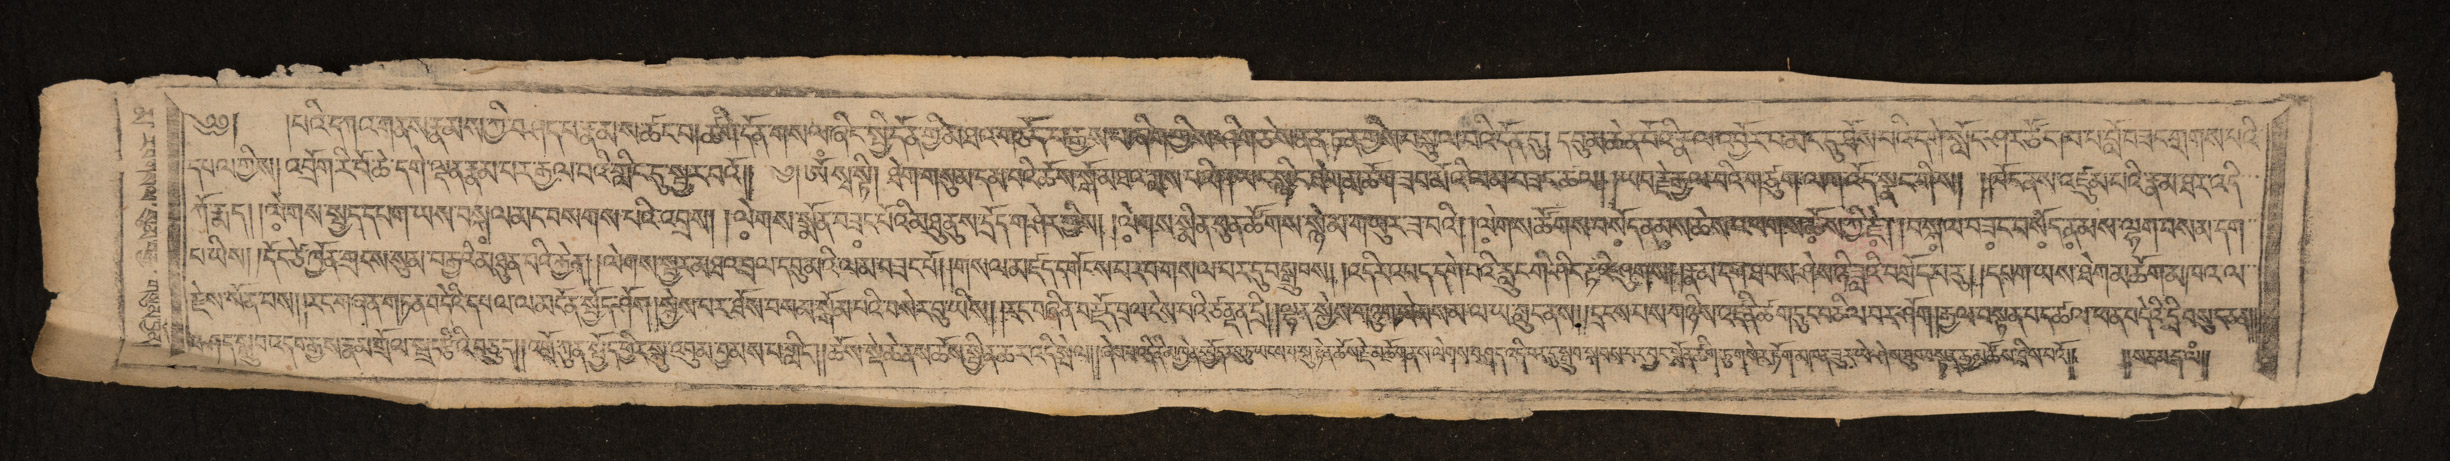སྭ་སྟི། ཐེག་གསུམ་དམ་པའི་ཆོས་སྒོ་མཐའ་ཀླས་པའི། །ཡང་སྙིང་ཐེག་མཆོག་ཟབ་མོའི་ལམ་བཟང་ཚལ། །ཡབ་རྗེ་རྒྱལ་བའི་གཙུག་ལག་འོད་སྣང་གིས། །ཁོང་ནས་འཛུམ་པའི་རྣམ་ཐར་འདི་
གོ་རྨད། །ལེགས་སྤྱད་དཔག་ཡས་བསྐལ་མང་བསགས་པའི་འབྲས། །ལེགས་སྨོན་བཟང་པོའི་མཐུ་ནུས་དྲོད་གཤེར་གྱིས། །ལེགས་སྨིན་ཕུན་ཚོགས་སྙེམ་གཡུར་ཟ་བའི། །ལེགས་ཚོགས་བསོད་ནམས་ཆེས་འཕགས་ཆོས་ཀྱི་རྗེ། །བསྐལ་བཟང་བསོད་ནམས་ལྷག་བསམ་དག་
པ་ཡིས། །དོང་ཙེ་ཁྱོན་གྲངས་སུམ་བརྒྱའི་མཐུན་པའི་རྐྱེན། །ལེགས་སྦྱར་མཐའ་བྲལ་དབུ་མའི་ལམ་བཟང་པོ། །གསལ་མཛད་དགོངས་པ་རབ་གསལ་བར་དུ་བསྒྲུབས། །འདིར་འབད་དགེ་བའི་རླུང་གི་ཤིང་རྟའི་ཤུགས། །རྣམ་དག་ཐབས་ཤེས་ཉི་ལཟཱི་བགྲོད་པ་རུ། །དཔག་ཡས་ཐེག་མཆོག་མཁའ་ལ་
རྗེས་སོན་པས། །རང་གཞན་གཏན་བདེའི་དཔལ་ལ་མངོན་སྤྱོད་ཤོག །སྐྱེ་བར་ཐོས་བསམ་སྒོམ་པའི་བསེར་བུ་ཡིས། །རང་བཞིན་བརྗོད་བྲལ་ངེས་པའི་ཙནྡན་དྲི། །ལྷན་སྐྱེས་གཉུག་སེམས་མ་ལ་ཡ་ཀླུང་ནས། །དྲངས་པས་གཉིས་འཛིན་ཚ་གདུང་བཅིལ་བར་ཤོག །རྒྱལ་བསྟན་པད་ཚལ་ཕན་བདེའི་དྲི་བ་སུང་ཅན།
བཤད་སྒྲུབ་འདབ་རྒྱས་རྣམ་གྲོལ་སྐྲང་རྩིའི་བཅུད།། འགྲོ་ཀུན་སྤྱོད་ཕྱིར་སྐུ་འབུམ་བྱམས་པ་གླིང་། །ཆོས་སྡེ་ཆེ་ནས་ཆོས་སྦྱིན་ཆར་འདི་སྤེལ། །ཞེས་པ་འདི་ནི་མཁྱེན་དཔྱོད་རབ་ཏུ་ཡནགས་པ་སྐུ་རྟེན་ཆོས་རྗེ་མཆོག་ནས་ལེགས་བཤད་འདི་བར་དུ་སྒྲུབ་སྐངས་པར་བྱང་སྨོན་ཚིག་ཏུ་གསེར་ཏོག་མཁན་ཟུར་ཡེ་ཤེས་ཐུབ་བསྟན་རྒྱ་མཚོས་བྲིས་པའོ།། །།སརྦ་མངྒ་ལཱཾ།།